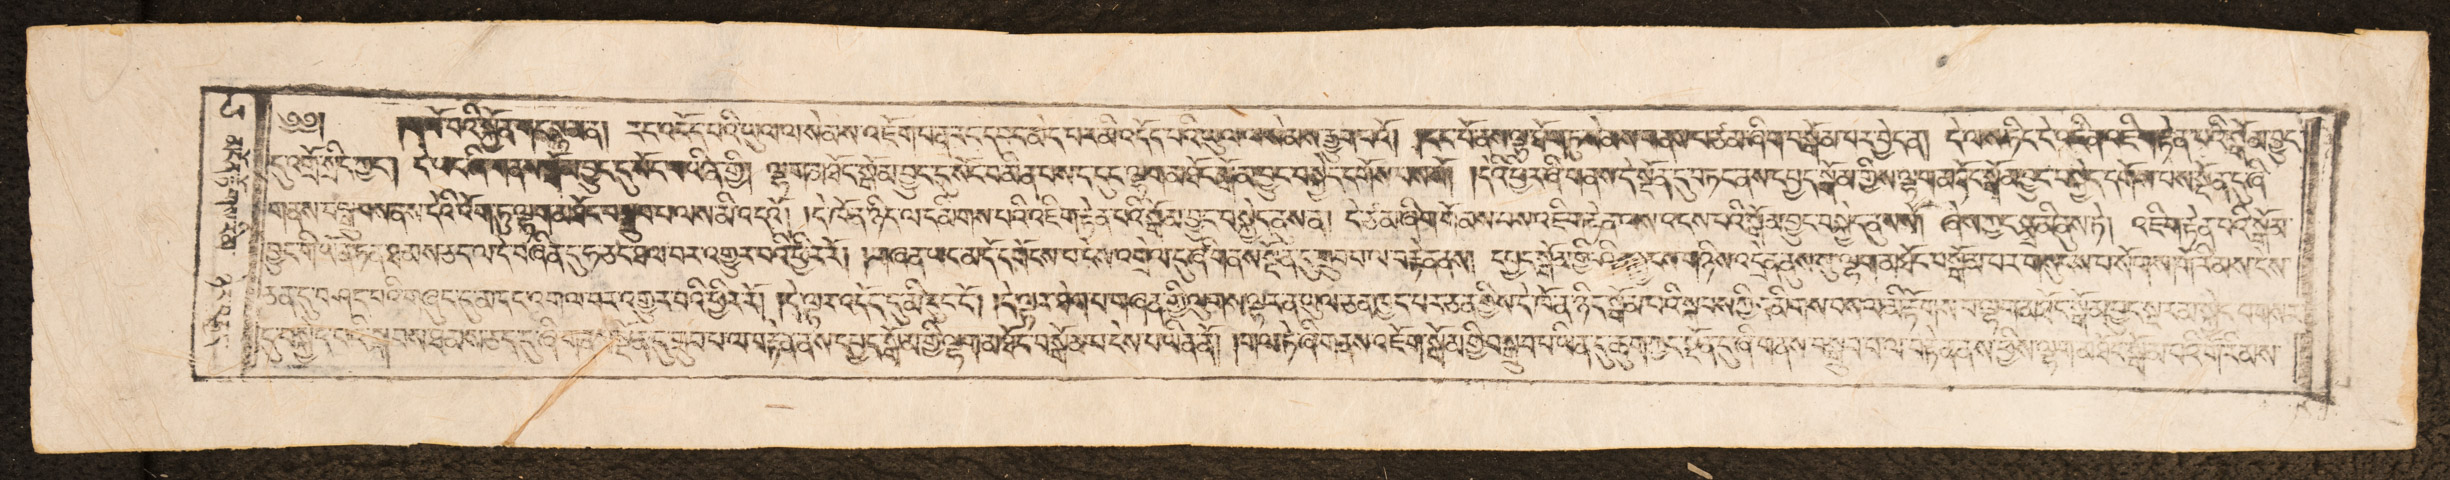༄༅། །གཡོ་བའི་སྐྱོན་གང་སྙམ་ན། རང་འདོད་པའི་ཡུལ་ལ་སེམས་འཇོག་པ་ན་རང་དབང་མེད་པར་མི་འདོད་པའི་ཡུལ་ལ་སེམས་རྒྱུག་པའོ། །དང་པོ་ནས་ལྟ་ཐོག་ཏུ་སེམས་གནས་པ་ཙམ་ཞིག་བསྒོམ་པར་བྱེད་ན། དེ་ལས་ཏིང་ངེ་འཛིན་འཇིག་རྟེན་པའི་སྒོམ་བྱུང་
དུ་འགྲོ་སྲིད་ཀྱང་། དེ་ཡང་ཞི་གནས་སྒོམ་བྱུང་དུ་སོང་བ་ཡིན་གྱི། ལྷག་མཐོང་སྒོམ་བྱུང་དུ་སོང་བ་མིན་པས་ད་དུང་ལྷག་མཐོང་སྒོམ་བྱུང་བསྐྱེད་དགོས་པས་སོ། །དེའི་ཕྱིར་ཞི་གནས་དེ་སྔོན་དུ་བཏང་ནས་དཔྱད་སྒོམ་གྱིས་ལྷག་མཐོང་སྒོམ་བྱུང་བསྐྱེད་དགོས་པས་སྔོན་དུ་ཞི་
གནས་བསྒྲུབས་ནས་དེའི་འོག་ཏུ་ལྷག་མཐོང་བསྒྲུབ་པ་ལས་མི་འདའོ། །དེ་ཁོ་ན་ཉིད་ལ་དམིགས་པའི་འཇིག་རྟེན་པའི་སྒོམ་བྱུང་བསྐྱེད་ནུས་ན། དེ་ཙམ་ཞིག་གོམས་པས་འཇིག་རྟེན་ལས་འདས་པའི་སྒོམ་བྱུང་བསྐྱེད་ནུས་སོ། ཞེས་ཀྱང་སྨྲ་མི་ནུས་ཏེ། འཇིག་རྟེན་པའི་སྒོམ་
བྱུང་གི་ཡོན་ཏན་ཐམས་ཅད་ལ་དེ་བཞིན་དུ་ཧ་ཅང་ཐལ་བར་འགྱུར་བའི་ཕྱིར་རོ། །གཞན་ཡང་མདོ་དགོངས་པ་ངེས་འགྲེལ་དུ་ཞི་གནས་སྔོན་དུ་གྲུབ་པ་ལ་བརྟེན་ནས། དཔྱད་སྒོམ་གྱི་ཤིན་སྦྱངས་གཉིས་འདྲེན་ནུས་སུ་ལྷག་མཐོང་བསྒོམ་པར་གསུངས་པ་སོགས། གོ་རིམས་ངེས་
ཅན་དུ་བཤད་པའི་གཞུང་དུ་མ་དང་འགལ་བར་འགྱུར་བའི་ཕྱིར་རོ། །དེ་ལྟར་འདོད་དུ་མི་རུང་ངོ། །དེ་ལྟར་ཐེག་པ་གཞན་གྱི་ལུགས་ལྟར་ན་ཡུལ་ཅན་ཁྱད་པར་ཅན་གྱིས་དེ་ཁོ་ན་ཉིད་སྒོམ་པའི་སྐབས་ཀྱི་དམིགས་བསལ་མི་རྟོགས་པ་ལྷག་མཐོང་སྒོམ་བྱུང་སྔར་མ་སྐྱེད་པ་གསར་
དུ་བསྐྱེད་པའི་སྐབས་ཐམས་ཅད་དུ་ཞི་གནས་སྔོན་དུ་གྲུབ་པ་ལ་བརྟེན་ནས་དཔྱད་སྒོམ་གྱི་ལྷག་མཐོང་བསྒོམ་པ་ངེས་པ་ཡིན་ནོ། །གལ་ཏེ་ཞི་གནས་འཇོག་སྒོམ་གྱི་བསྒྲུབ་པ་ཡིན་དུ་ཆུག་ཀྱང་སྔོན་དུ་ཞི་གནས་བསྒྲུབ་པ་ལ་བརྟེན་ནས་ཕྱིས་ལྷག་མཐོང་སྒོམ་པའི་གོ་རིམས་